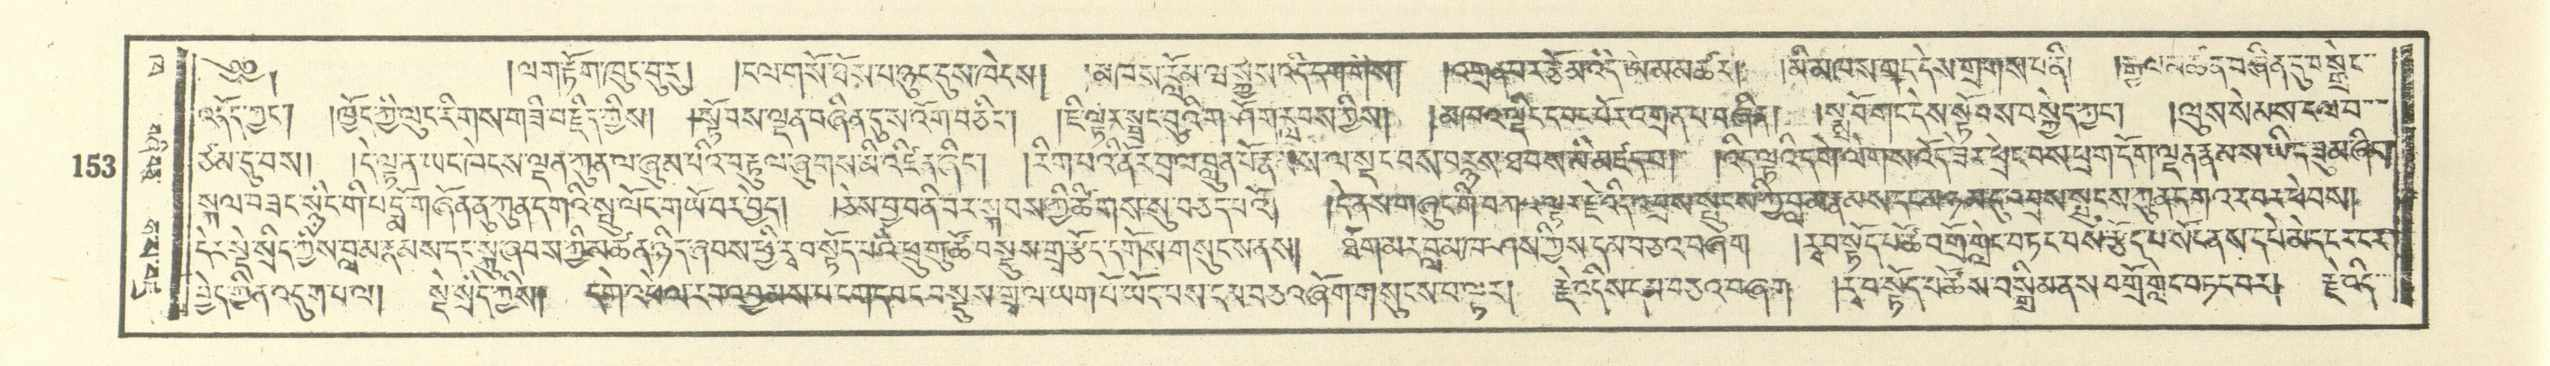༄༅། །ལག་རྟོག་ཁུང་བུ་རུ། །ངལ་གསོ་ཐོས་པ་ཉུང་དུས་ཁེངས། །མཁས་རློམ་ཝ་སྐྱེས་འདི་དག་གིས། །འགྲན་པར་རྩོམ་འདི་ཨེ་མ་མཚར། །མི་མཁས་གང་དེས་གྲགས་པ་ནི། །རྒྱལ་མཚན་བཞིན་དུ་བསྒྲེང་
འདོད་ཀྱང་། །ཁྱོད་ཀྱི་ལུང་རིགས་གཟི་བརྗིད་ཀྱིས། །སྟོབས་ལྡན་བཞིན་དུ་ས་འོག་བཅིང་། །ཇི་ལྟར་སྦྲང་བུའི་གཤོག་རླབས་ཀྱིས། །མཁའ་ལྡིང་དབང་པོར་འགྲན་པ་བཞིན། །སྨྲ་བོ་གང་དེས་སྟོབས་བསྐྱེད་ཀྱང་། །ལུས་སེམས་ངལ་བ་
ཙམ་དུ་བས། །དེ་ལྟ་ན་ཡང་ཁེངས་ལྡན་ཀུན་ལ་ཞུམ་པའི་བརྟུལ་ཞུགས་མི་འཛིན་ཞིང་། །རིག་བའི་ནོར་བྲལ་བླུན་པོ་རྣམས་ལ་སྡང་བས་བརྙས་ཐབས་མི་མཛད་པ། །འདི་ལྟའི་དགེ་ལེགས་འོད་ཟེར་ཕྲེང་བས་ཕྲག་དོག་ལྡན་རྣམས་ཡིད་ཟུམ་ཞིང་།
སྐལ་བཟང་སྙིང་གི་པདམོ་གཞོན་ནུ་ཀུན་དགའི་སྤུ་ལོང་གཡོ་བར་བྱེད། །ཅེས་བྱ་བ་ནི་བར་སྐབས་ཀྱི་ཚིགས་སུ་བཅད་པའོ། །དེ་ནས་གཞུང་གི་བཀའ་ལྟར་རྗེ་འདི་འབྲས་སྤུངས་ཀྱི་བླ་མ་རྣམས་དང་མཉམ་དུ་འབྲས་སྤུངས་ཀུན་དགའ་ར་བར་ཕེབས།
དེར་སྡེ་སྲིད་ཀྱིས་བླ་མ་རྣམས་དང་སྐུ་ཞབས་ཀྱི་མཚན་ཉིད་ཞབས་ཕྱི་རྭ་བསྟོད་པའི་ཕྲུ་གུ་ཚོ་བསྡུས་གྲྭ་རྩོད་དགོས་གསུངས་ནས། ཐོག་མར་བླ་མ་ཁ་ཤས་ཀྱིས་དམ་བཅའ་བཞག །རྭ་བསྟོད་པོ་ཚ་བགྲོ་གླེང་བཏང་བས་རྩོད་པ་སོང་ནས་དཔེ་མེད་ངར་ངར་
བྱེད་གྱིན་འདུག་པ་ལ། སྡེ་སྲིད་ཀྱིས། དགེ་འཕེལ་རབ་འབྱམས་པ་ངག་དབང་བསྡུས་གྲྭ་ལ་ཡག་པོ་ཡོད་པས་དམ་བཅའ་ཞོག་གསུངས་པ་ལྟར། རྗེ་འདིས་དམ་བཅའ་བཞག །རྭ་བ་སྟོད་པ་ཚོས་བསྒྲིམ་ནས་བགྲོ་གླེང་བཏང་བར། རྗེ་འདི་